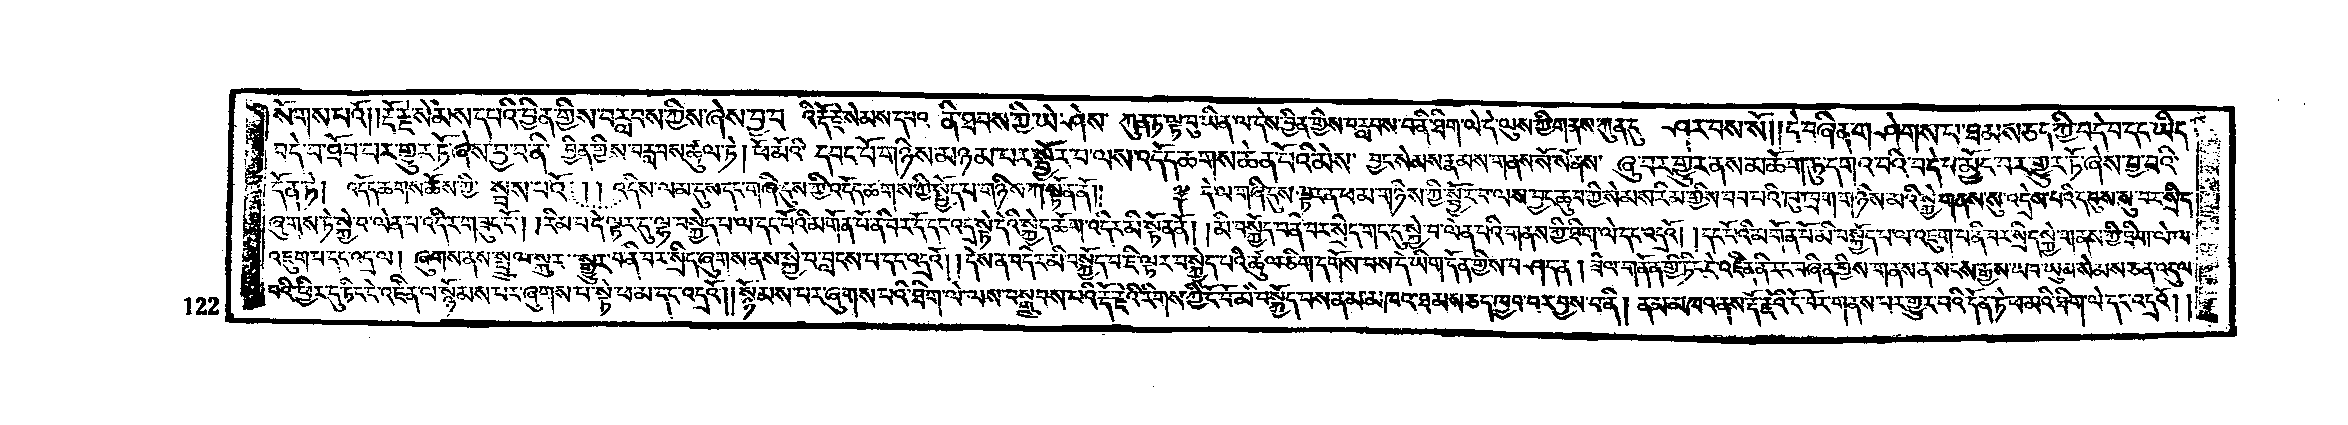སོགས་པའོ། །རྡོ་རྗེ་སེམས་དཔའི་བྱིན་གྱིས་བརླབས་ཀྱིས་ཞེས་བྱ་བའི་རྡོ་རྗེ་སེམས་དཔའ་ནི་ཐབས་ཀྱི་ཡེ་ཤེས་ཀུན་ཏ་ལྟ་བུ་ཡིན་ལ་དེས་བྱིན་གྱིས་བརླབས་པ་ནི་ཐིག་ལེ་དེ་ལུས་ཀྱི་གནས་ཀུན་དུ་ཤར་བས་སོ། །དེ་བཞིན་གཤེགས་པ་ཐམས་ཅད་ཀྱི་བདེ་བ་དང་ཡིད་
བདེ་བ་ཐོབ་པར་གྱུར་ཏོ་ཞེས་བྱ་བ་ནི་བྱིན་གྱིས་བརླབས་ཚུལ་ཏེ། ཕོ་མོའི་དབང་པོ་གཉིས་མཉམ་པར་སྦྱོར་བ་ལས་འདོད་ཆགས་ཆེན་པོའི་མེས་བྱང་སེམས་རྣམས་གནས་སོ་སོ་ནས་ཞུ་བར་གྱུར་ནས་མཆོག་ཏུ་དགའ་བའི་བདེ་བ་མྱོང་བར་གྱུར་ཏོ་ཞེས་བྱ་བའི་
དོན་ཏེ། འདོད་ཆགས་ཆོས་ཀྱི་སྦས་པའོ། །འདིས་ལམ་དུས་དང་གཞི་དུས་ཀྱི་འདོད་ཆགས་ཀྱི་སྤྱོད་པ་གཉིས་ཀ་སྟོན་ནོ།། ༈ དེ་ལ་གཞི་དུས་ལྟར་ན་ཕ་མ་གཉིས་ཀྱི་སྦྱོར་བ་ལས་བྱང་ཆུབ་ཀྱི་སེམས་རིམ་གྱིས་བབ་པའི་ཁུ་ཁྲག་གཉིས་མའི་སྐྱེ་གནས་སུ་འདྲེས་པའི་དབུས་སུ་བར་སྲིད་
ཞུགས་ཏེ་སྐྱེ་བ་ལེན་པ་འདིར་གཟུང་ངོ། །རིམ་པ་དེ་ལྟར་དུ་ལྷ་བསྐྱེད་པ་ལ་དང་པོའི་མགོན་པོ་ནི་བར་དོ་དང་འདྲ་སྟེ་དེའི་སྐྱེད་ཆོག་འདིར་མི་སྟོན་ནོ། །མི་བསྐྱོད་པ་ནི་བར་སྲིད་གང་དུ་སྐྱེ་བ་ལེན་པའི་གནས་ཀྱི་ཐིག་ལེ་དང་འདྲའོ། །དང་པོའི་མགོན་པོ་མི་བསྐྱོད་པ་ལ་འཇུག་པ་ནི་བར་སྲིད་སྐྱེ་གནས་ཀྱི་ཐིག་ལེ་ལ་
འཇུག་པ་དང་འདྲ་ལ། ཞུགས་ནས་སྤྲུལ་སྐུར་སྒྱུར་བ་ནི་བར་སྲིད་ཞུགས་ནས་སྐྱེ་བ་བླངས་པ་དང་འདྲའོ། །དེས་ན་འདིར་མི་བསྐྱོད་པ་ཇི་ལྟར་བསྐྱེད་པའི་ཚུལ་ཅིག་དགོས་བས་དེ་ཡིག་དོན་གྱིས་བཤད་ན། ཟིལ་གནོན་གྱི་ཏིང་ངེ་འཛིན་ནི་རང་བཞིན་གྱིས་གནས་ན་སངས་རྒྱས་ཡབ་ཡུམ་སེམས་ཅན་འདུལ་
བའི་ཕྱིར་དུ་ཏིང་ངེ་འཛིན་ལ་སྙོམས་པར་ཞུགས་པ་སྟེ་ཕ་མ་དང་འདྲའོ། །སྙོམས་པར་ཞུགས་པའི་ཐིག་ལེ་ལས་བསྒྲུབས་པའི་རྡོ་རྗེའི་རིགས་ཀྱི་ངོ་བོ་མི་བསྐྱོད་བས་ནམ་མཁའ་ཐམས་ཅད་ཁྱབ་བར་བྱས་པ་ནི། ནམ་མཁའ་ནས་རྡོ་རྗེའི་ངོ་བོར་གནས་པར་གྱུར་པའི་དོན་ཏེ་ཕ་མའི་ཐིག་ལེ་དང་འདྲའོ། །